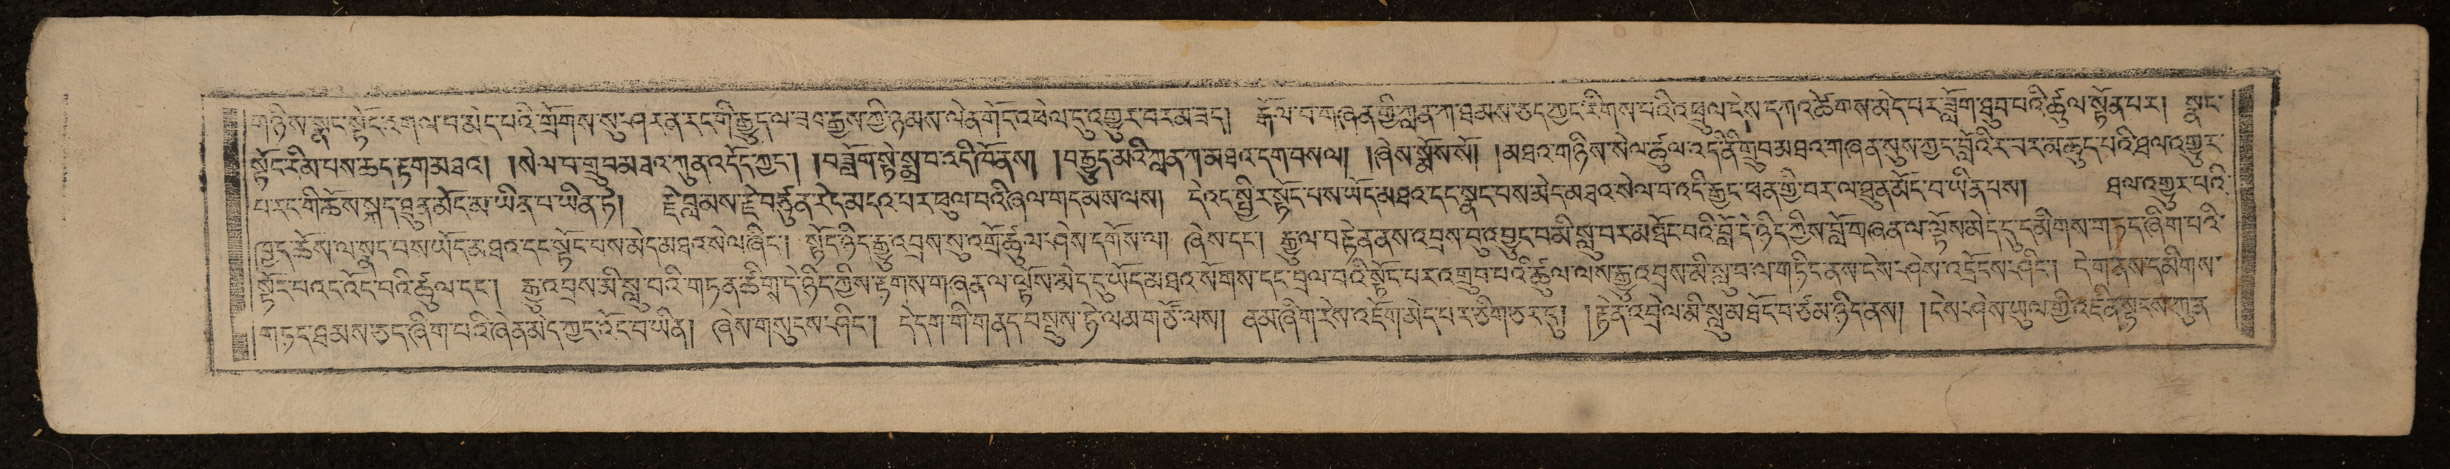གཉིས་སྣང་སྟོང་འགལ་བ་མེད་པའི་ཕྲོགས་སུ་ཤར་ན་རང་གི་རྒྱུད་ལ་ཟབ་རྒྱས་ཀྱི་ཉམས་ལེན་གོང་འཕེལ་དུ་འགྱུར་བར་མ་ཟད། རྒོལ་བ་གཞན་གྱི་ཀླན་ཀ་ཐམས་ཅད་ཀྱང་རིགས་པའི་འཕྲུལ་དེས་དཀའ་ཚིགས་མེད་པར་ཟློག་ཐུབ་པའི་ཚུལ་སྟོན་པར། སྣང་
སྟོང་རིམ་པས་ཆད་རྟག་མཐའ། །སེལ་བ་གྲུབ་མཐའ་ཀུན་འདོད་ཀྱང་། །བཟློག་སྟེ་སྨྲ་བ་འདི་ཁོ་ནས། །བརྒྱུད་མའི་ཀླན་ཀ་མཐའ་དག་བསལ། །ཞེས་སྨོས་སོ། །མཐའ་གཉིས་སེལ་ཚུལ་འདི་ནི་གྲུབ་མཐའ་གཞན་སུས་ཀྱང་བློའི་ར་བར་མ་ཆུད་པའི་ཐལ་འགྱུར་
པ་རང་གི་ཆོས་སྐད་ཐུན་མོང་མ་ཡིན་པ་ཡིན་ཏེ། རྗེ་བླ་མས་རྗེ་བཙུན་རེད་མདའ་བར་ཕུལ་བའི་ཞལ་གདམས་ལས། དེའང་སྤྱིར་སྟོང་པས་ཡོད་མཐའ་དང་སྣང་བས་མེད་མཐའ་སེལ་བ་འདི་རྒྱད་འཕེན་གྱི་བར་ལ་ཐུན་མོང་བ་ཡིན་པས། ཐལ་འགྱུར་བའི་
ཁྱད་ཆོས་ལ་སྣང་བས་ཡོད་མཐའ་དང་སྟོང་བས་མེད་མཐའ་སེལ་ཞིང་། སྟོང་ཉིད་རྒྱུ་འབྲས་སུ་འགྲོ་ཚུལ་ཤེས་དགོས་ལ། ཞེས་དང་། རྒྱུ་ལ་བརྟེན་ནས་འབྲས་བུ་འབྱུང་བ་མི་སླུ་བར་མཐོང་བའི་བློ་དེ་ཉིད་ཀྱིས་བློ་གཞན་ལ་ལྟོས་མེད་དུ་དམིགས་གཏད་ཞིག་པའི་
སྟོང་པའང་འོང་བའི་ཚུལ་དང་། རྒྱུ་འབྲས་མི་སླུ་བའི་གཏན་ཚིགས་དེ་ཉིད་ཀྱིས་རྟགས་གཞན་ལ་ལྟོས་མེད་དུ་ཡོད་མཐའ་སོགས་དང་བྲལ་བའི་སྟོང་བར་འགྲུབ་པའི་ཚུལ་ལས་རྒྱུ་འབྲས་མི་སླུ་བ་ལ་གཏིང་ནས་ངེས་ཤེས་འདྲོངས་ཤིང་། དེ་གནས་དམིགས་
གཏད་ཐམས་ཅད་ཞིག་བའི་ཞེན་མེད་ཀྱང་འོང་བ་ཡིན། ཞེས་གསུངས་ཤིང་། དེ་དག་གི་གནད་བསྡུས་ཏེ་ལམ་གཙོ་ལས། ནམ་ཞིག་རེས་འཇོག་མེད་པར་ཅིག་ཅར་དུ། །རྟེན་འབྲེལ་མི་སླུ་མཐོང་བ་ཙམ་ཉིད་ནས། །ངོས་ཤེས་ཡུལ་གྱི་འཛིན་སྟངས་ཀུན་